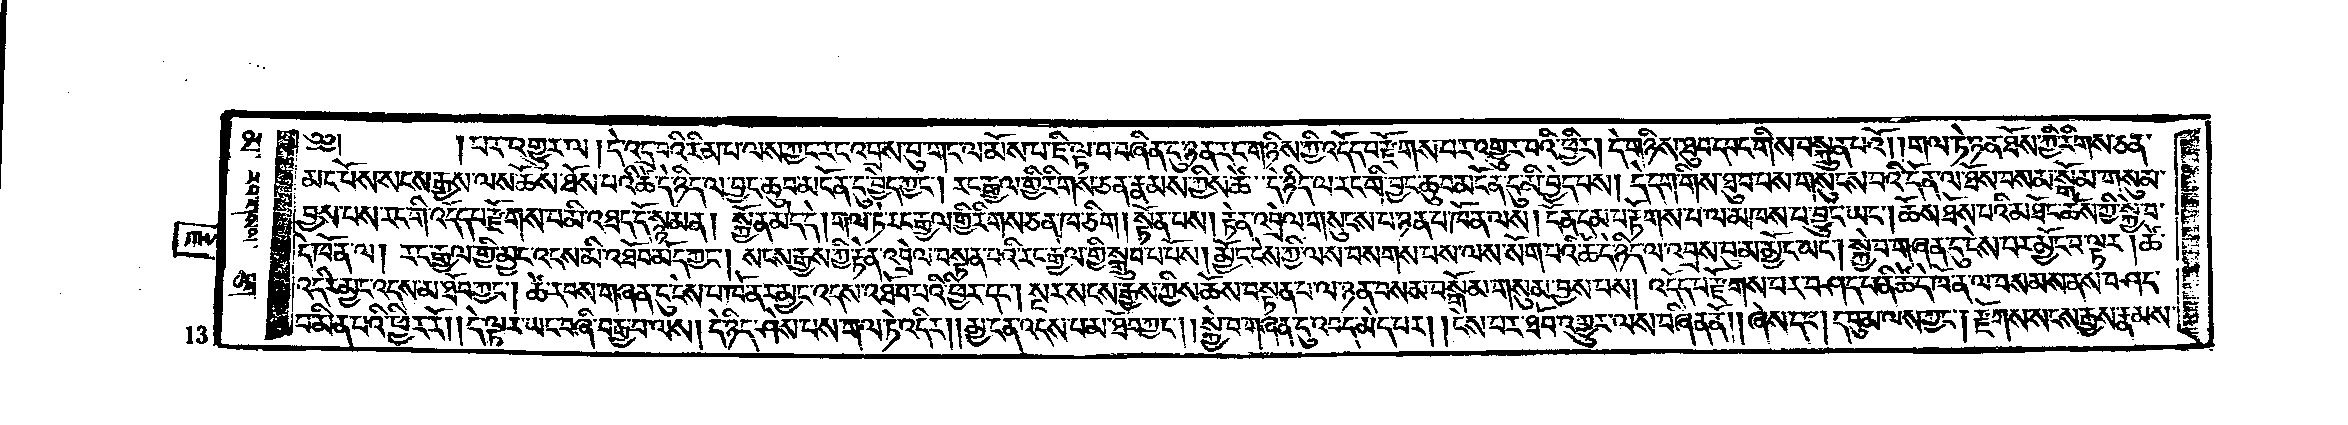༄༅། །པར་འགྱུར་ལ། དེ་འདྲ་བའི་རིམ་པ་ལས་ཀྱང་རང་འབྲས་བུ་གང་ལ་མོས་པ་ཇི་ལྟ་བ་བཞིན་དུ་ཉན་རང་གཉིས་ཀྱི་འདོད་པ་རྫོགས་པར་འགྱུར་བའི་ཕྱིར། དེ་གཉིས་ཐུབ་དབང་གིས་བསྐྲུན་པའོ། །གལ་ཏེ་ཉན་ཐོས་ཀྱི་རིགས་ཅན་
མང་པོས་སངས་རྒྱས་ལས་ཆོས་ཐོས་པའི་ཚེ་དེ་ཉིད་ལ་བྱང་ཆུབ་མངོན་དུ་བྱེད་ཀྱང་། རང་རྒྱལ་གྱི་རིགས་ཅན་རྣམས་ཀྱིས་ཚེ་དེ་ཉིད་ལ་རང་གི་བྱང་ཆུབ་མངོན་དུ་མི་བྱེད་པས། དེ་དག་གིས་ཐུབ་པས་གསུངས་པའི་དོན་ལ་ཐོས་བསམ་སྒོམ་གསུམ་
བྱས་པས་རང་གི་འདོད་པ་རྫོགས་པ་མི་འཐད་དོ་སྙམ་ན། སྐྱོན་མེད་དེ། གལ་ཏེ་རང་རྒྱལ་གྱི་རིགས་ཅན་ཁ་ཅིག །སྟོན་པས། རྟེན་འབྲེལ་གསུངས་པ་ཉན་པ་ཁོ་ན་ལས། དོན་དམ་པ་རྟོགས་པ་ལ་མཁས་པ་བྱུང་ཡང་། ཆོས་ཐོས་པའི་མཐོང་ཆོས་ཀྱི་སྐྱེ་བ་
དེ་ཁོ་ན་ལ། རང་རྒྱལ་གྱི་མྱང་འདས་མི་འཐོབ་མོད་ཀྱང་། སངས་རྒྱས་ཀྱི་རྟེན་འབྲེལ་བསྟན་པའི་རང་རྒྱལ་གྱི་སྒྲུབ་པ་པོས། མྱོང་ངེས་ཀྱི་ལས་བསགས་པས་ལས་སོག་པའི་ཚེ་དེ་ཉིད་ལ་འབྲས་བུ་མ་མྱོང་ཡང་། སྐྱེ་བ་གཞན་དུ་ངེས་པར་མྱོང་བ་ལྟར། ཚེ་
འདིར་མྱང་འདས་མ་ཐོབ་ཀྱང་། ཚེ་རབས་གཞན་དུ་ངེས་པ་ཁོ་ནར་མྱང་འདས་འཐོབ་པའི་ཕྱིར་དང་། སྔར་སངས་རྒྱས་ཀྱིས་ཆོས་བསྟན་པ་ལ་ཉན་བསམ་བསྒོམ་གསུམ་བྱས་པས། འདོད་པ་རྫོགས་པར་བཤད་པ་ནི་ཚེ་དེ་ཁོ་ན་ལ་བསམས་ནས་བཤད་
པ་མིན་པའི་ཕྱིར་རོ། །དེ་ལྟར་ཡང་བཞི་བརྒྱ་པ་ལས། དེ་ཉིད་ཤེས་པས་གལ་ཏེ་འདིར། །མྱ་ངན་འདས་པ་མ་ཐོབ་ཀྱང་། །སྐྱེ་བ་གཞན་དུ་འབད་མེད་པར། །ངེས་པར་ཐོབ་འགྱུར་ལས་བཞིན་ནོ། །ཞེས་དང་། དབུ་མ་ལས་ཀྱང་། རྫོགས་སངས་རྒྱས་རྣམས་